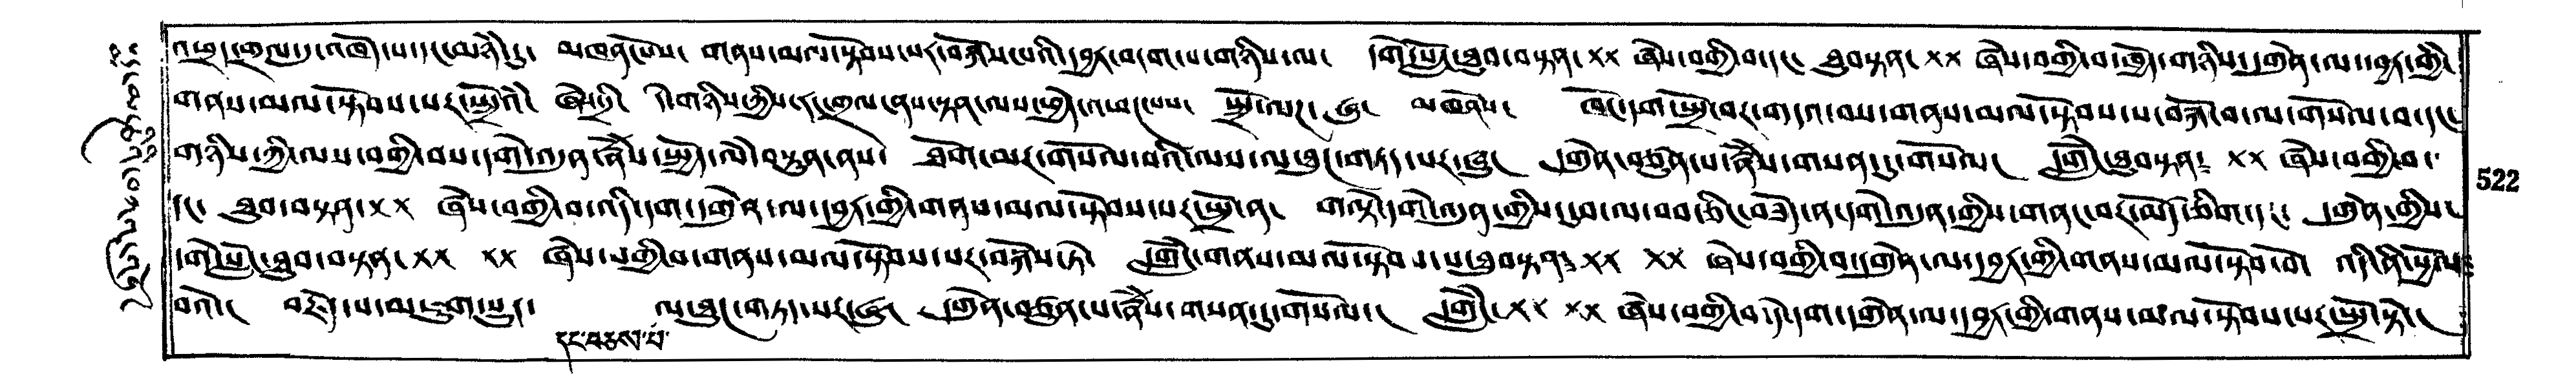འཕྲེད་གྲལ་དུ་འཁོད་པ་དང་མཉམ་དུ། མཁན་པོས་གནས་མལ་སྟོབ་པར་བསྐོས་པའི་དབྱར་བདག་པ་གཉིས་ལ། དགེ་སློང་ཐུབ་བསྟན༴ ཞེས་བགྱི་བ་དང་། ཐུབ་བསྟན༴ ཞེས་བགྱི་བ་ཁྱོད་གཉིས་དགེ་འདུན་ལ་དབྱར་གྱི་
གནས་མལ་སྟོབ་པར་སྤྲོའམ། ཞེས་འདྲི། དེ་གཉིས་ཀྱིས་རང་གྲལ་ནས་སྟན་ལས་ཕྱེད་འཕགས་པས། སྤྲོ་ལགས་ཞུ། མཁན་པོས། ཁོང་དག་སྤྲོ་བར་གདའ་བས་གནས་མལ་སྟོབས་པ་བསྐོ་བ་ལ་གསོལ་བ་དང་
གཉིས་ཀྱི་ལས་བགྱི་བས་དགེ་འདུན་རྣམས་སྤྱོད་ལམ་བསྟུན་ནས།ཐོག་མར་གསོལ་བའི་ལས་ལ་ཐུགས་གཏད་པར་ཞུ། དགེ་འདུན་བཙུན་པ་རྣམས་གསན་དུ་གསོལ། དགེ་སློང་ཐུབ་བསྟན༴ ཞེས་བགྱི་བ་
དང་། ཐུབ་བསྟན༴ ཞེས་བགྱི་བ་འདི་དག་དགེ་འདུན་ལ་དབྱར་གྱི་གནས་མལ་སྟོབ་པར་སྤྲོ་ན། གལ་ཏེ་དགེ་འདུན་གྱིས་དུས་ལ་བབ་ཅིང་བཟོད་ན་དགེ་འདུན་གྱིས་གནང་བར་མཛོད་ཅིག་དང་། དགེ་འདུན་གྱིས་
དགེ་སློང་ཐུབ་བསྟན༴ ཞེས་བགྱི་བ་གནས་མལ་སྟོབ་པར་བསྐོས་ཏེ། དགེ་སློང་གནས་མལ་སྟོབ་པ་ཐུབ་བསྟན༴ ཞེས་བགྱི་བ་དགེ་འདུན་ལ་དབྱར་གྱི་གནས་མལ་སྟོབ་བོ།། འདི་ནི་གསོལ་
བའོ།། བརྗོད་པ་མཇུག་སྡུད་དང་བཅས་པ་ལ་ཐུགས་གཏད་པར་ཞུ། དགེ་འདུན་བཙུན་པ་རྣམས་གསན་དུ་གསོལ། དགེ་སློང༴ ཞེས་བགྱི་བ་དེ་དག་དགེ་འདུན་ལ་དབྱར་གྱི་གནས་མལ་སྟོབ་པར་སྤྲོ་སྟེ།